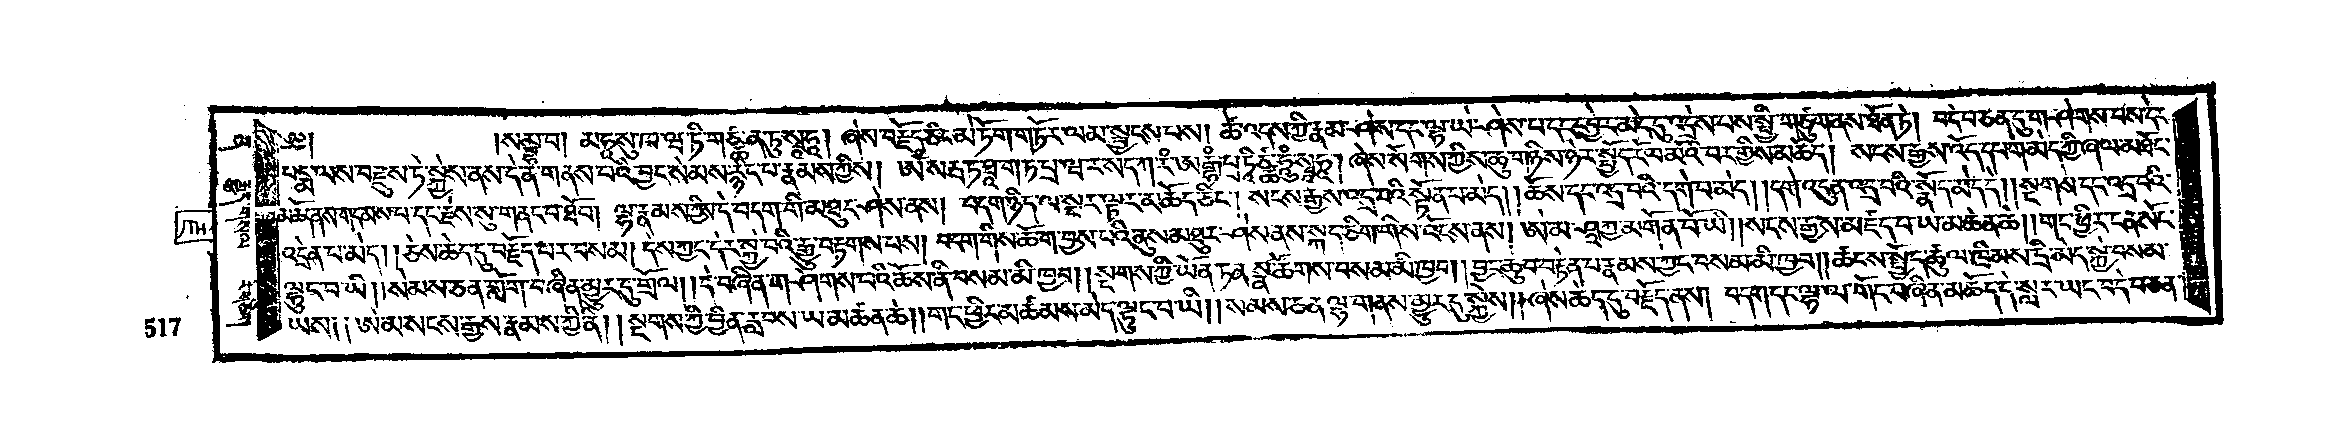༄༅། །སམྦྷ་བ། མཧཱ་སུ་ཁ་ཝ་ཏི་གཙྪན་ཏུ་སྭཱཧཱ། ཞེས་བརྗོད་ཅིང་མེ་ཏོག་གཏོར་ལམ་སྦྱངས་པས། ཚེ་འདས་ཀྱི་རྣམ་ཤེས་དང་ལྷ་ཡེ་ཤེས་པ་དང་དབྱེར་མེད་དུ་འདྲེས་པས་སྤྱི་གཙུག་ནས་ཐོན་ཏེ། བདེ་བ་ཅན་དུ་གཤེགས་པས་དེར་
པདམ་ལས་བརྫུས་ཏེ་སྐྱེས་ནས་དེ་ནི་གནས་པའི་བྱང་སེམས་རྙིང་པ་རྣམས་ཀྱིས། ཨོཾ་སརྦ་ཏ་ཐཱ་ག་ཏ་པྲ་ཝ་ར་སད་ཀ་རཾ་ཨརྒྷཾ་པྲ་ཏཱི་ཙྪ་ཧཱུཾ་སྭཱཧཱ། ཞེས་སོགས་ཀྱིས་ཆུ་གཉིས་ཉེར་སྤྱོད་རོལ་མོའི་བར་གྱིས་མཆོད། སངས་རྒྱས་འོད་དཔག་མེད་ཀྱི་ཞལ་མཐོང་
མཆོད་ནས་གདམས་པ་དང་རྗེས་སུ་གནང་བ་ཐོབ། ལྷ་རྣམས་ཀྱིས་དེ་བདག་གི་མཐུར་ཤེས་ནས། བདག་ཉིད་ལ་སྔར་ལྟར་མཆོད་ཅིང་། སངས་རྒྱས་འདྲེ་བའི་སྟོན་པ་མེད། །ཆོས་དང་འདྲ་བའི་དགེ་བ་མེད། །དགེ་འདུན་འདྲ་བའི་སྣོད་མེད་དེ། །སྔགས་དང་འདྲ་བའི་
འདྲེན་པ་མེད། །ཅེས་ཆེད་དུ་བརྗོད་པར་བསམ། དེས་ཀྱང་དེར་སྐྱེ་བའི་རྒྱུ་བརྟགས་པས། བདག་གིས་ཆོ་ག་བྱས་པའི་ནུས་མཐུར་ཤེས་ནས་སྐད་ཅིག་གིས་འོངས་ནས། ཨེ་མ་ཤཱ་ཀྱ་མགོན་པོ་ཡི། །སངས་རྒྱས་མཛད་པ་ཡ་མཚན་ཆེ། །གང་ཕྱིར་ངན་སོང་
ལྷུང་བ་ཡི། །སེམས་ཅན་གློག་བཞིན་མྱུར་དུ་གྲོལ། །དེ་བཞིན་གཤེགས་པའི་ཆོས་ནི་བསམ་མི་ཁྱབ། །སྔགས་ཀྱི་ཡོན་ཏན་སྣ་ཚོགས་བསམ་མི་ཁྱབ། །བྱང་ཆུབ་བརྟེན་པ་རྣམས་ཀྱང་བསམ་མི་ཁྱབ། །ཚངས་སྤྱོད་ཚུལ་ཁྲིམས་དྲི་མེད་སྐྱེ་བསམ་
ཡས། །ཨེ་མ་སངས་རྒྱས་རྣམས་ཀྱི་ནི། །སྔགས་ཀྱི་བྱིན་རླབས་ཡ་མཚན་ཆེ། །གང་ཕྱིར་མཚམས་མེད་ལྟུང་བ་ཡི། །སེམས་ཅན་ལྷ་གནས་མྱུར་དུ་སྐྱེས། །ཞེས་ཆེད་དུ་བརྗོད་ནས། བདག་དང་ལྷ་ལ་གོང་བཞིན་མཆོད་དེ་སླར་ཡང་བདེ་བ་ཅན་